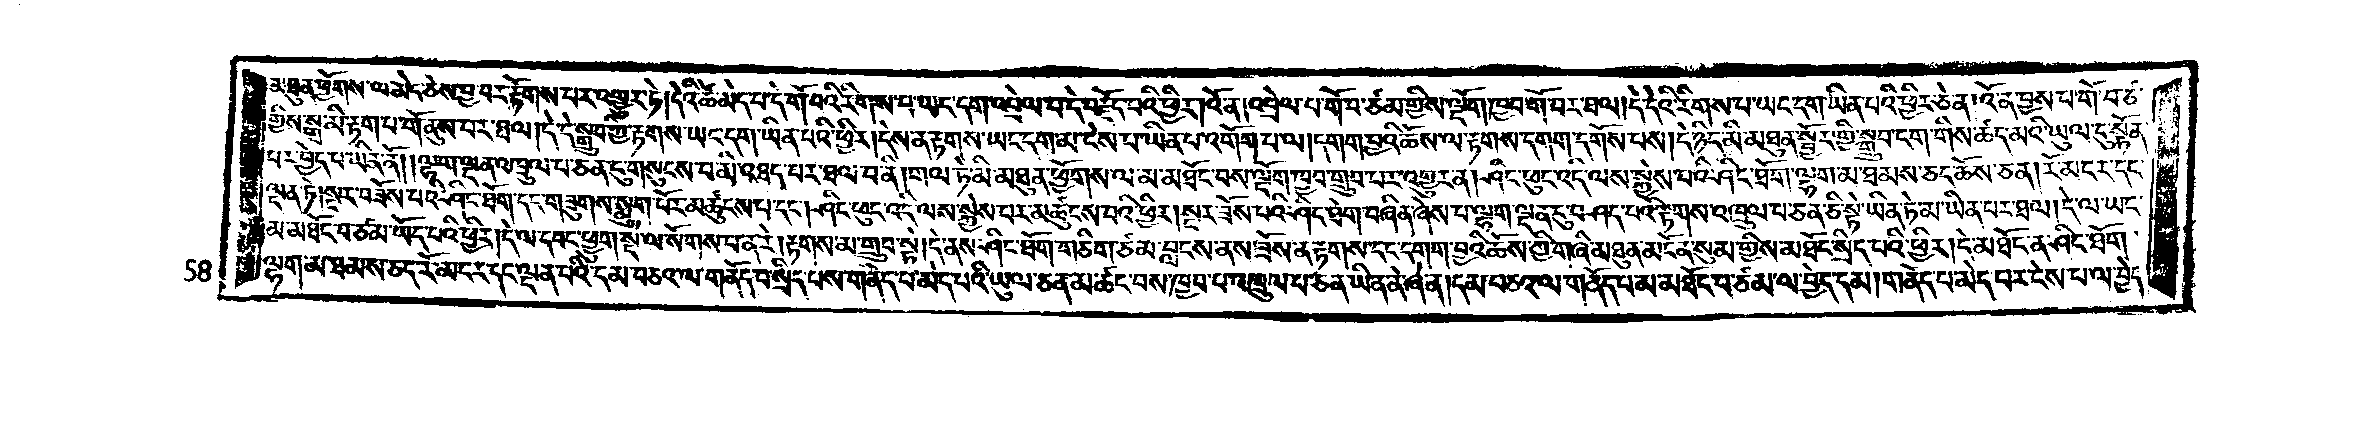མཐུན་ཕྱོགས་ལ་མེད་ཅེས་བྱ་བར་རྟོགས་པར་འགྱུར་ཏེ། དེའི་ཚེ་མེད་པ་དེ་གོ་བའི་རིགས་པ་ཡང་དག་འབྲེལ་བ་དེ་བརྗོད་པའི་ཕྱིར། འོ་ན། འགྲེལ་པ་གོ་བ་ཙམ་གྱིས་ལྡོག་ཁྱབ་གོ་བར་ཐལ། དེ་དེའི་རིགས་པ་ཡང་དག་ཡིན་པའི་ཕྱིར་ཅེ་ན། འོ་ན་བྱས་པ་གོ་བ་ཙམ་
གྱིས་སྒྲ་མི་རྟག་པ་གོ་ནུས་པར་ཐལ། དེ་དེ་སྒྲུབ་ཀྱི་རྟགས་ཡང་དག་ཡིན་པའི་ཕྱིར། དེས་ན་རྟགས་ཡང་དག་མ་ངེས་པ་ཡིན་པ་འགོག་པ་ལ། དགག་བྱའི་ཆོས་ལ་རྟགས་དགག་དགོས་པས། དེ་ཉིད་མི་མཐུན་སྦྱོར་གྱི་སྒྲུབ་ངག་གིས་ཚད་མའི་ཡུལ་དུ་སྟོན་
པར་བྱེད་པ་ཡིན་ནོ། །ལྷག་ལྡན་འཁྲུལ་པ་ཅན་དུ་གསུངས་པ་མི་འཐད་པར་ཐལ་བ་ནི། གལ་ཏེ་མི་མཐུན་ཕྱོགས་ལ་མ་མཐོང་བས་ལྡོག་ཁྱབ་གྲུབ་པར་འགྱུར་ན། ཤིང་ཕུང་འདི་ལས་སྐྱེས་པའི་ཤིང་ཐོག་ལྷག་མ་ཐམས་ཅད་ཆོས་ཅན། རོ་མངར་དང་
ལྡན་ཏེ། སྔར་བཟོས་པའི་ཤིང་ཐོག་དང་གཟུགས་སྨུག་པོར་མཚུངས་པ་དང་། ཤིང་ཕུང་འདི་ལས་སྐྱེས་པར་མཚུངས་པའི་ཕྱིར། སྔར་ཟོས་པའི་ཤིང་ཐོག་བཞིན་ཞེས་པ་ལྷག་ལྡན་དུ་བཤད་པའི་རྟགས་འཁྲུལ་པ་ཅན་ཅི་སྟེ་ཡིན་ཏེ་མ་ཡིན་པར་ཐལ། དེ་ལ་ཡང་
མ་མཐོང་བ་ཙམ་ཡོད་པའི་ཕྱིར། དེ་ལ་དབང་ཕྱུག་སྡེ་ལ་སོགས་པ་ན་རེ། རྟགས་མ་གྲུབ་སྟེ། དེ་ནས་ཤིང་ཐོག་གཅིག་ཙམ་བླངས་ནས་ཟོས་ན་རྟགས་དང་དགག་བྱའི་ཆོས་ཀྱི་གཞི་མཐུན་མངོན་སུམ་གྱིས་མཐོང་སྲིད་པའི་ཕྱིར། དེ་མཐོང་ན་ཤིང་ཐོག་
ལྷག་མ་ཐམས་ཅད་རོ་མངར་དང་ལྡན་པའི་དམ་བཅའ་ལ་གནོད་པ་སྲིད་པས་གནོད་པ་མེད་པའི་ཡུལ་ཅན་མ་ཚང་བས་ཁྱབ་པ་འཁྲུལ་པ་ཅན་ཡིན་ནོ་ཞེ་ན། དམ་བཅའ་ལ་གནོད་པ་མ་མཐོང་བ་ཙམ་ལ་བྱེད་དམ། གནོད་པ་མེད་པར་ངེས་པ་ལ་བྱེད་